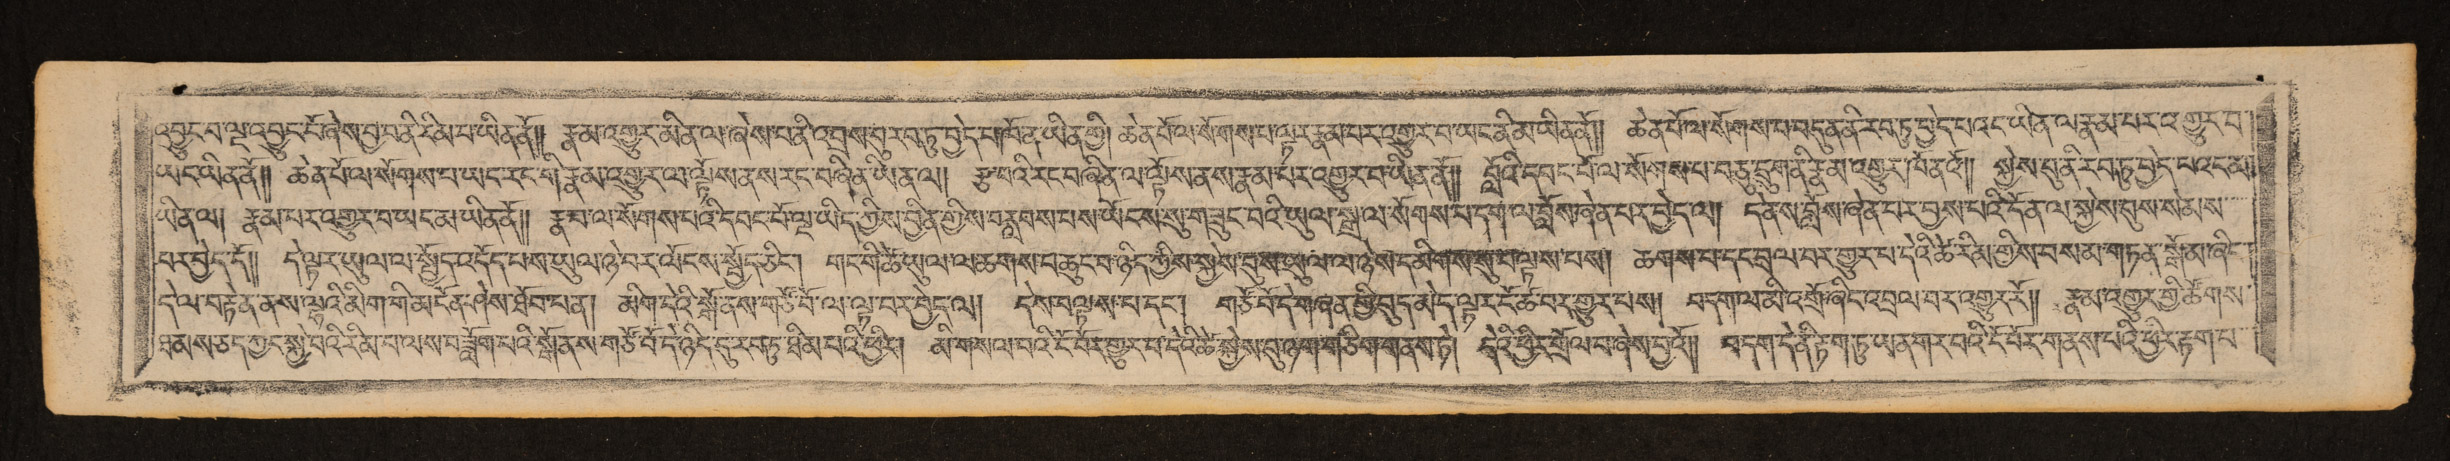འབྱུང་བ་ལྔ་འབྱུང་ངོ་ཞེས་བྱ་བ་ནི་རིམ་པ་ཡིན་ནོ།། རྣམ་འགྱུར་མིན་ལ་ཞེས་པ་ནི་འབྲས་བུ་རབ་ཏུ་བྱེད་པ་ཁོ་ན་ཡིན་གྱི། ཆེན་པོ་ལ་སོགས་པ་ལྟར་རྣམ་པར་འགྱུར་བ་ཡང་ནི་མ་ཡིན་ནོ།། ཆེན་པོ་ལ་སོགས་པ་བདུན་ནི་རབ་ཏུ་བྱེད་པའང་ཡིན་ལ་རྣམ་པར་འགྱུར་བ་
ཡང་ཡིན་ནོ།། ཆེན་པོ་ལ་སོགས་པ་ཡང་རང་གི་རྣམ་འགྱུར་ལ་ལྟོས་ནས་རང་བཞིན་ཡིན་ལ། རྩ་བའི་རང་བཞིན་ལ་ལྟོས་ནས་རྣམ་པར་འགྱུར་བ་ཡིན་ནོ།། བློའི་དབང་པོ་ལ་སོགས་པ་བཅུ་དྲུག་ནི་རྣམ་འགྱུར་ཁོ་ནའོ།། སྐྱེས་བུ་ནི་རབ་ཏུ་བྱེད་པའང་མ་
ཡིན་ལ། རྣམ་པར་འགྱུར་བ་ཡང་མ་ཡིན་ནོ།། རྣ་བ་ལ་སོགས་པའི་དབང་པོ་ལྔ་ཡིད་ཀྱིས་བྱིན་གྱིས་བརླབས་པས་ཡོངས་སུ་གཟུང་བའི་ཡུལ་སྒྲ་ལ་སོགས་པ་དག་ལ་བློས་ཞེན་པར་བྱེད་ལ། དེ་ནས་བློས་ཞེན་པར་བྱས་པའི་དོན་ལ་སྐྱེས་བུས་སེམས་
པར་བྱེད་དོ།། དེ་ལྟར་ཡུལ་ལ་སྤྱོད་འདོད་པས་ཡུལ་ཉེ་བར་ལོངས་སྤྱོད་ཅིང་། གང་གི་ཚེ་ཡུལ་ལ་ཆགས་པ་ཆུང་བ་ཉིད་ཀྱིས་སྐྱེས་བུས་ཡུལ་ལ་ཉེས་དམིགས་སུ་བལྟས་པས། ཆགས་པ་དང་བྲལ་བར་གྱུར་པ་དེའི་ཚེ་རིམ་གྱིས་བསམ་གཏན་སྒོམ་ཞིང་།
དེ་ལ་བརྟེན་ནས་ལྷའི་མིག་གི་མངོན་ཤེས་ཐོབ་པ་ན། མིག་དེའི་སྒོ་ནས་གཙོ་བོ་ལ་ལྟ་བར་བྱེད་ལ། དེས་བལྟས་པ་དང་། གཙོ་བོ་དེ་གཞན་གྱི་བུད་མེད་ལྟར་ངོ་ཚ་བར་གྱུར་བས། བདག་ལ་མི་འགྲོ་ཞིང་འབྲལ་བར་འགྱུར་རོ།། རྣམ་འགྱུར་གྱི་ཚོགས་
ཐམས་ཅད་ཀྱང་སྐྱེ་བའི་རིམ་པ་ལས་བཟློག་པའི་སྒོ་ནས་གཙོ་བོ་དེ་ཉིད་དུ་རབ་ཏུ་ཐིམ་པའི་ཕྱིར། མི་གསལ་བའི་ངོ་བོར་གྱུར་པ་དེའི་ཚེ་སྐྱེས་བུ་ཉག་གཅིག་གནས་ཏེ། དེའི་ཕྱིར་གྲོལ་བ་ཞེས་བྱའོ།། བདག་དེ་ནི་རྟག་ཏུ་ཡན་གར་བའི་ངོ་བོར་གནས་པའི་ཕྱིར་རྟག་པ་